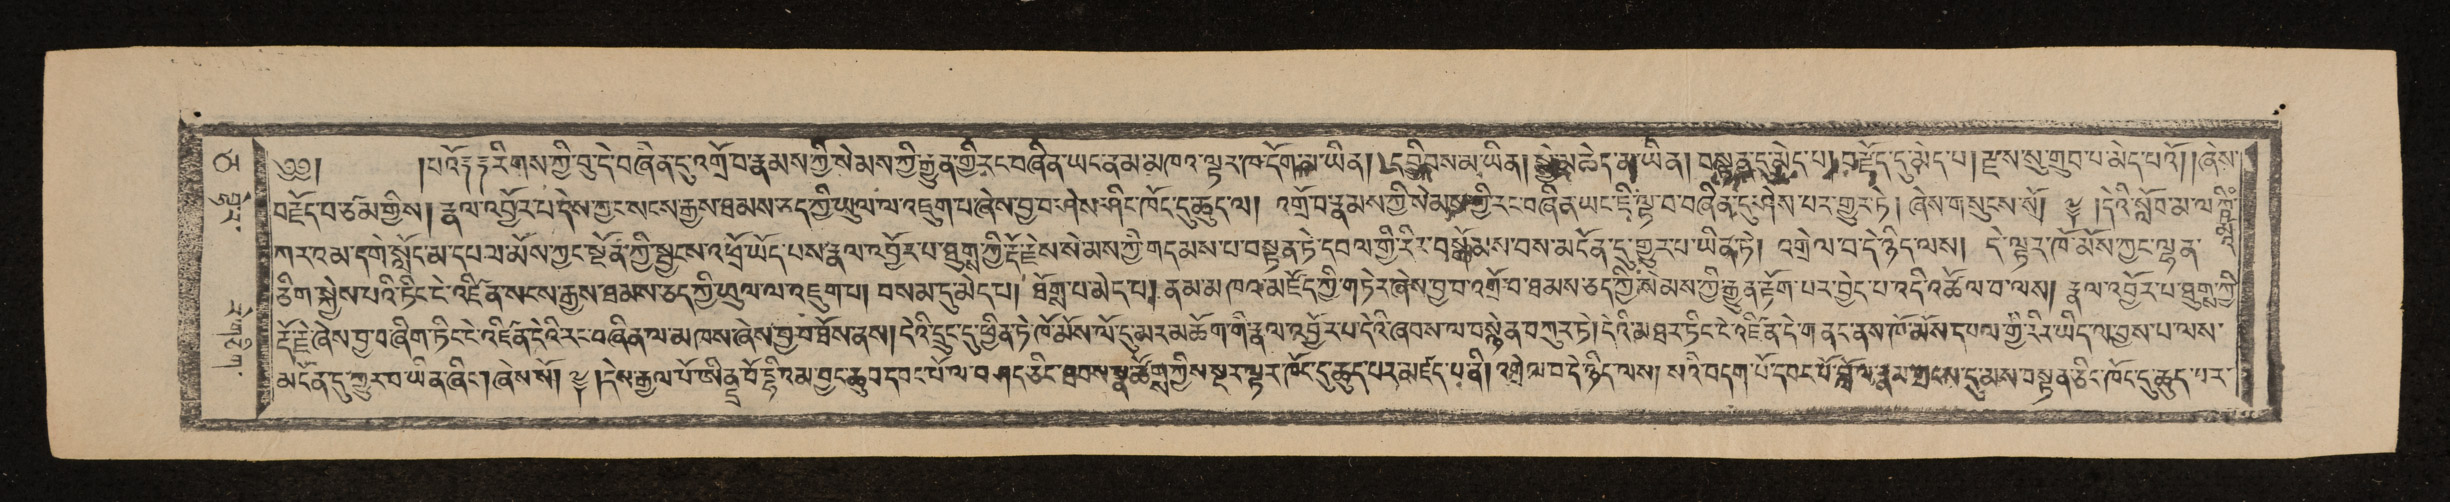༄༅། །པའོ༑ ༑རིགས་ཀྱི་བུ་དེ་བཞིན་དུ་འགྲོ་བ་རྣམས་ཀྱི་སེམས་ཀྱི་རྒྱུན་གྱི་རང་བཞིན་ཡང་ནམ་མཁའ་ལྟར་ཁ་དོག་མ་ཡིན། དབྱིབས་མ་ཡིན། སྐྱེ་མཆེད་མ་ཡིན། བསྟན་དུ་མེད་པ། བརྗོད་དུ་མེད་པ། རྫས་སུ་གྲུབ་པ་མེད་པའོ། །ཞེས་
བརྗོད་པ་ཙམ་གྱིས། རྣལ་འབྱོར་པ་དེས་ཀྱང་སངས་རྒྱས་ཐམས་ཅད་ཀྱི་ཡུལ་ལ་འཇུག་པ་ཞེས་བྱ་བ་ཤེས་ཤིང་ཁོང་དུ་ཆུད་ལ། འགྲོ་བ་རྣམས་ཀྱི་སེམས་ཀྱི་རང་བཞིན་ཡང་ཇི་ལྟ་བ་བཞིན་དུ་ཤེས་པར་གྱུར་ཏེ། ཞེས་གསུངས་སོ། ༈ །དེའི་སློབ་མ་ལཀྵྨཱིཾ་
ཀ་རའམ་དགེ་སློང་མ་དཔལ་མོས་ཀྱང་སྔོན་གྱི་སྦྱངས་འཕྲོ་ཡོད་པས་རྣལ་འབྱོར་པ་ཐུགས་ཀྱི་རྡོ་རྗེས་སེམས་ཀྱི་གདམས་པ་བསྟན་ཏེ་དཔལ་གྱི་རིར་བསྒོམས་པས་མངོན་དུ་གྱུར་བ་ཡིན་ཏེ། འགྲེལ་པ་དེ་ཉིད་ལས། དེ་ལྟར་ཁོ་མོས་ཀྱང་ལྷན་
ཅིག་སྐྱེས་པའི་ཏིང་ངེ་འཛིན་སངས་རྒྱས་ཐམས་ཅད་ཀྱི་ཡུལ་ལ་འཇུག་བ། བསམ་དུ་མེད་པ། ཐོགས་པ་མེད་པ། ནམ་མཁའ་མཛོད་ཀྱི་གཏེར་ཞེས་བྱ་བ་འགྲོ་བ་ཐམས་ཅད་ཀྱི་སེམས་ཀྱི་རྒྱུན་རྟོག་པར་བྱེད་པ་འདི་འཚོལ་བ་ལས། རྣལ་འབྱོར་པ་ཐུགས་ཀྱི་
རྡོ་རྗེ་ཞེས་བྱ་བ་ཞིག་ཏིང་ངེ་འཛིན་དེའི་རང་བཞིན་ལ་མཁས་ཞེས་བྱ་བ་ཐོས་ནས། དེའི་དྲུང་དུ་ཕྱིན་ཏེ་ཁོ་མོས་ལོ་དུ་མར་མཆོག་གི་རྣལ་འབྱོར་པ་དེའི་ཞབས་ལ་བསྙེན་བཀུར་ཏེ། དེའི་མཐར་ཏིང་ངེ་འཛིན་དེ་གནང་ནས་ཁོམས་དཔལ་གྱི་རིར་ཡིད་ལ་བྱས་པ་ལས་
མངོན་དུ་གྱུར་པ་ཡིན་ཞིང་། ཞེས་སོ། ༈ །དེས་རྒྱལ་པོ་ཨིནྡྲ་བོ་དྷིའམ་བྱང་ཆུབ་དབང་པོ་ལ་བཤད་ཅིང་ཐབས་སྣ་ཚོགས་ཀྱིས་སྔར་ལྟར་ཁོང་དུ་ཆུད་པར་མཛད་པ་ནི། འགྲེལ་པ་དེ་ཉིད་ལས། སའི་བདག་པོ་དབང་པོ་བློ་ལ་རྣམ་གྲངས་དུ་མས་བསྟན་ཅིང་ཁོང་དུ་ཆུད་པར་